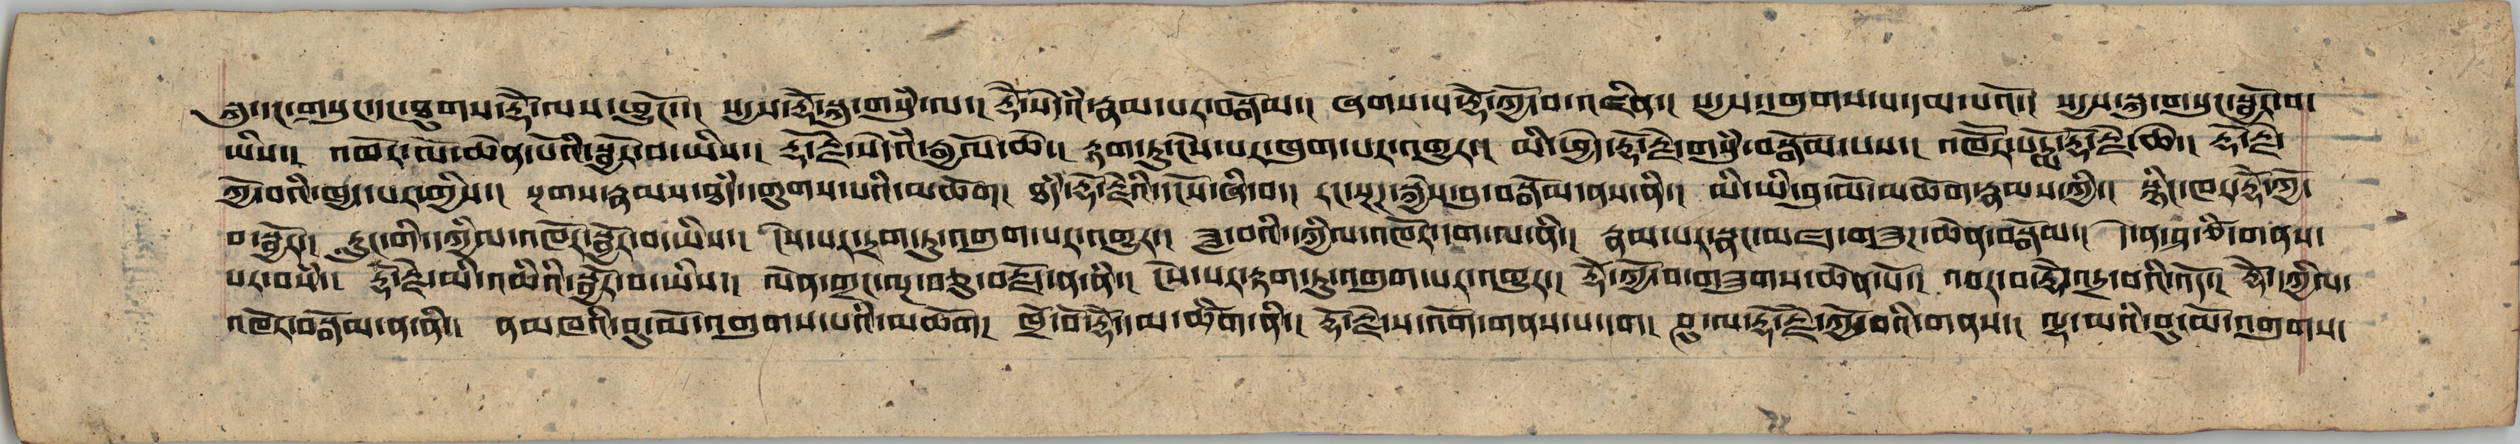སྐུ་དང་གསུང་དང་ཐུགས་རྡོེ་ལས་ཕྱུངོ་་། སདྱས་རྡོེ་སྐུ་གསུཾ་ལ་། རྡོེ་སེདའཾ་རྣམ་པར་བསྒོམ་། ཞགས་པ་རྡོེ་ཀྱོ་བ་འཛིན་། སདྱས་དགུགས་པ་དམ་པའོ་། སདྱས་སྐུ་གསུང་སྦྱོར་བ་
ཡིས་། འཁོར་ལོ་ཆེན་པོའི་སྦྱོར་བ་ཡིས་། རྡོ་རྗེ་སེདའཾ་རྒྱལོ་ཆེ་། རྟག་ཏུ་ངེས་པར་ཁུག་པར་འགྱུར་། མི་ཕྱེད་རྡོ་རྗེ་གསུཾ་བསྒོམ་པས་། འཁཽར་པདྨ་རྡོ་རྗེ་ཆེ་། རྡོ་རྗེ་
ཀྱོ་བའི་ཁྱད་པར་གྱིས་། སྔགས་རྣམས་ཐཾད་དགུགས་པའི་མཆོག། ཐཾད་རྡོ་རྗེའི་དངོས་ཞི་བ་། རང་སྔཌ་སྐྱེས་བུ་བསྒོམ་ནས་ནི་། མི་ཡི་བུ་མོ་མཆོག་རྣམས་ཀྱི་། སྙིང་ཁར་རྡོེ་ཀྱོ་
བ་སྦྱོར་། རླུང་གི་དཀྱིལ་འཁོར་སྦྱོར་བ་ཡིས་། ངེས་པར་དྲག་ཏུ་འགུག་པར་འགྱུར་། ཟླ་བའི་དཀྱིལ་འཁོར་དག་ལ་ནི་། རྣམ་པར་སྣང་མཛད་གཟུགས་ཆེན་བསྒོམ་། དེ་ན་ཤ་ཙི་གནས་
པར་བསཾ་། རྡོ་རྗེ་མི་འཆིའི་སྦྱོར་བ་ཡིས་། ལེན་གྲང་ལྔ་བཅུ་བརྗོད་ན་ནི་། ངེས་པར་རྟག་ཏུ་འགུག་པར་འགྱུར་། རྡོེ་ཀྱོ་བ་གཟུགས་ཆེན་པོ་། འབར་བ་རྡོེ་འདྲ་བའི་འདོ་། རྡོེ་དཀྱིལ་
འཁོར་བསྒོམ་ན་ནི་་ ནམཁའི་བུ་མོ་འགུགས་པའི་མཆོག། ཁྲོ་བོ་རྡོེ་དམ་ཚིག་ནི་། རྡོ་རྗེ་ས་འོག་གནས་པ་དག། ཤུ་ལ་རྡོ་རྗེ་ཀྱོ་བའི་གནས་། ལྷ་ཡའི་བུ་མོ་འགུགས་